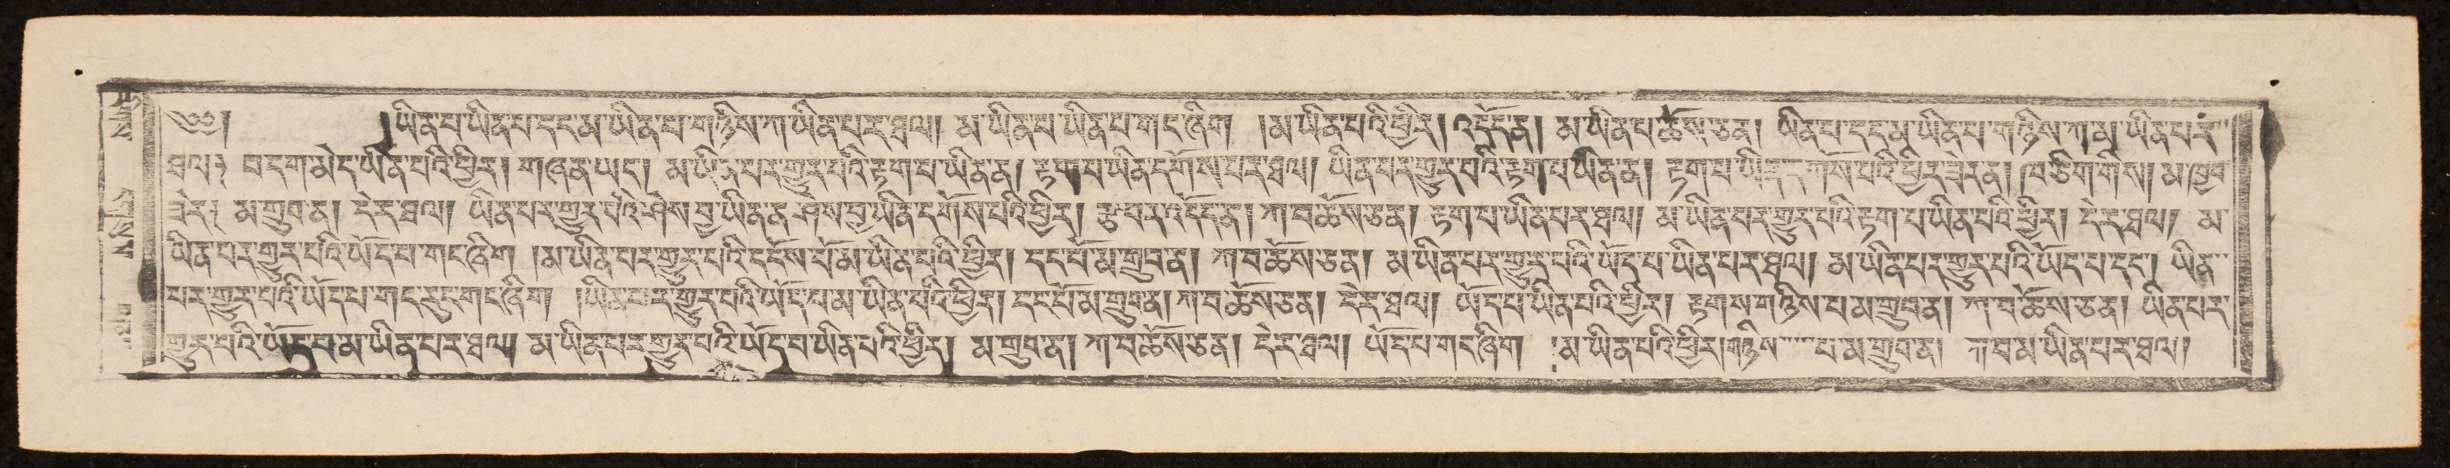༄༅། །ཡིན་པ་ཡིན་པ་དང་མ་ཡིན་པ་གཉིས་ཀ་ཡིན་པར་ཐལ། མ་ཡིན་པ་གང་ཞིག། མ་ཡིན་པའི་ཕྱིར། འདོད་ན། མ་ཡིན་པ་ཆོས་ཅན། ཡིན་པ་དང་མ་ཡིན་པ་གཉིས་ཀ་མ་ཡིན་པར་
ཐལ། བདག་མེད་ཡིན་པའི་ཕྱིར། གཞན་ཡང་། མ་ཡིན་པར་གྱུར་པའི་རྟག་པ་ཡིན་ན། རྟག་པ་ཡིན་དགོས་པར་ཐལ། ཡིན་པར་གྱུར་པའི་རྟག་པ་ཡིན་ན། རྟག་པ་ཡིན་དགོས་པའི་ཕྱིར་ཟེར་ན། ཁ་ཅིག་གིས། མ་ཁྱབ་
ཟེར། མ་གྲུབ་ན། དེར་ཐལ། ཡིན་པར་གྱུར་པའི་ཤེས་བྱ་ཡིན་ན་ཤེས་བྱ་ཡིན་དགོས་པའི་ཕྱིར། རྩ་བར་འདོད་ན། ཀ་བ་ཆོས་ཅན། རྟག་པ་ཡིན་པར་ཐལ། མ་ཡིན་པར་གྱུར་པའི་རྟག་པ་ཡིན་པའི་ཕྱིར། དེར་ཐལ། མ་
ཡིན་པར་གྱུར་པའི་ཡོད་པ་གང་ཞིག། མ་ཡིན་པར་གྱུར་པའི་དངོས་པོ་མ་ཡིན་པའི་ཕྱིར། དང་པོ་མ་གྲུབ་ན། ཀ་བ་ཆོས་ཅན། མ་ཡིན་པར་གྱུར་པའི་ཡོད་པ་ཡིན་པར་ཐལ། མ་ཡིན་པར་གྱུར་པའི་ཡོད་པ་དང་། ཡིན་
པར་གྱུར་པའི་ཡོད་པ་གང་རུང་གང་ཞིག །ཡིན་པར་གྱུར་པའི་ཡོད་པ་མ་ཡིན་པའི་ཕྱིར། དང་པོ་མ་གྲུབ་ན། ཀ་བ་ཆོས་ཅན། དེར་ཐལ། ཡོད་པ་ཡིན་པའི་ཕྱིར། རྟགས་གཉིས་པ་མ་གྲུབ་ན། ཀ་བ་ཆོས་ཅན། ཡིན་པར་
གྱུར་པའི་ཡོད་པ་མ་ཡིན་པར་ཐལ། མ་ཡིན་པར་གྱུར་པའི་ཡོད་པ་ཡིན་པའི་ཕྱིར། མ་གྲུབ་ན། ཀ་བ་ཆོས་ཅན། དེར་ཐལ། ཡོད་པ་གང་ཞིག། མ་ཡིན་པའི་ཕྱིར། གཉིས་པ་མ་གྲུབ་ན། ཀ་བ་མ་ཡིན་པར་ཐལ།